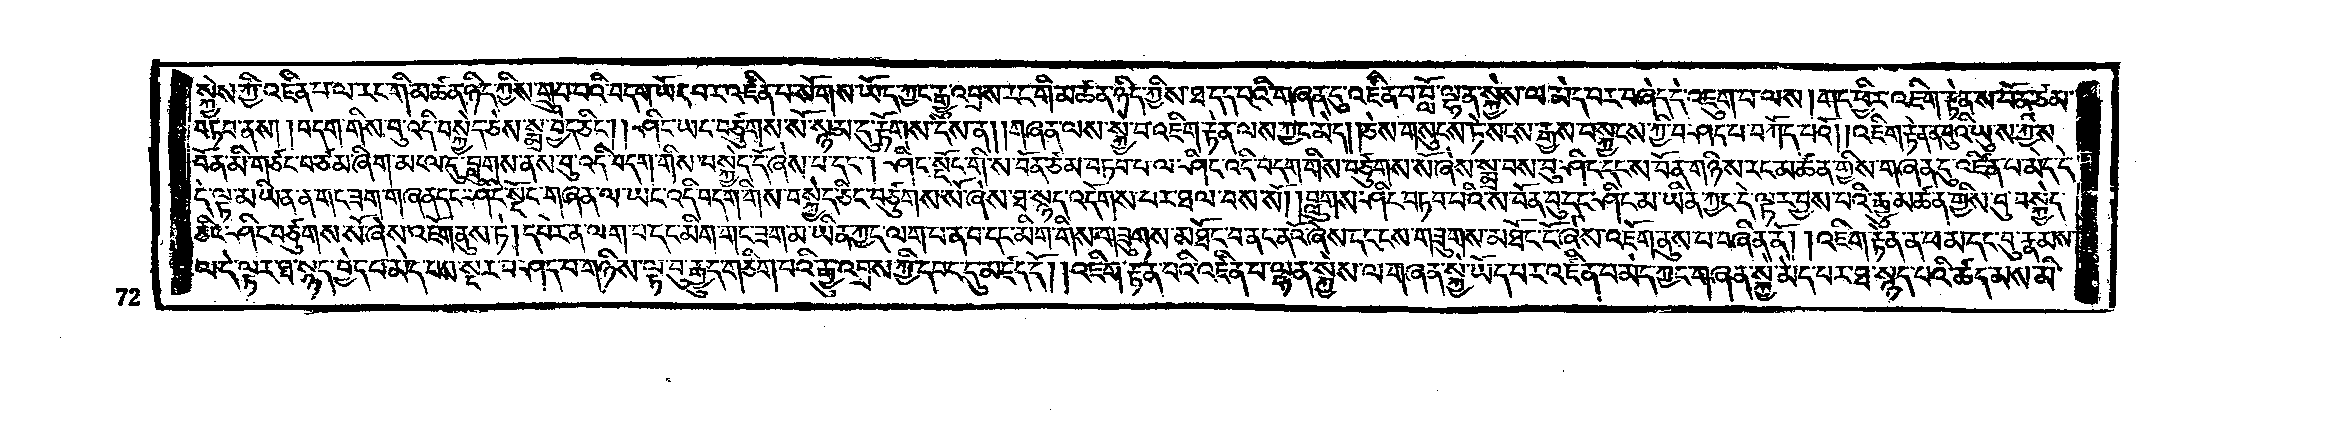སྐྱེས་ཀྱི་འཛིན་པ་ལ་རང་གི་མཚན་ཉིད་ཀྱིས་གྲུབ་པའི་བདག་ཡོད་པར་འཛིན་པ་སོགས་ཡོད་ཀྱང་རྒྱུ་འབྲས་རང་གི་མཚན་ཉིད་ཀྱིས་ཐ་དད་པའི་གཞན་དུ་འཛིན་པ་བློ་ལྷན་སྐྱེས་ལ་མེད་པར་བཞེད་དེ་འཇུག་པ་ལས། གང་ཕྱིར་འཇིག་རྟེན་ས་བོན་ཙམ་
བཏབ་ནས། །བདག་གིས་བུ་འདི་བསྐྱེད་ཅེས་སྨྲ་བྱེད་ཅིང་། །ཤིང་ཡང་བཙུགས་སོ་སྙམ་དུ་རྟོགས་དེས་ན། །གཞན་ལས་སྐྱེ་བ་འཇིག་རྟེན་ལས་ཀྱང་མེད། །ཅེས་གསུངས་ཏེ་སངས་རྒྱས་བསྐྱངས་ཀྱི་བཤད་པ་བཀོད་པའོ། །འཇིག་རྟེན་ན་བུའི་ཡུས་ཀྱི་ས་
བོན་མི་གཙང་བ་ཙམ་ཞིག་མངལ་དུ་བླུགས་ནས་བུ་འདི་བདག་གིས་བསྐྱེད་དོ་ཞེས་པ་དང་། ཤིང་སྡོང་གི་ས་བོན་ཙམ་བཏབ་པ་ལ་ཤིང་འདི་བདག་གིས་བཙུགས་སོ་ཞེས་སྨྲ་བས་བུ་ཤིང་དང་ས་བོན་གཉིས་རང་མཚན་གྱིས་གཞན་དུ་འཛིན་པ་མེད་དེ་
དེ་ལྟ་མ་ཡིན་ན་གང་ཟག་གཞན་དང་ཤིང་སྡོང་གཞན་ལ་ཡང་འདི་བདག་གིས་བསྐྱེད་ཅིང་བཙུགས་སོ་ཞེས་ཐ་སྙད་འདོགས་པར་ཐལ་བས་སོ། །བླུགས་ཤིང་བཏབ་པའི་ས་བོན་བུ་དང་ཤིང་མ་ཡིན་ཀྱང་དེ་ལྟར་བྱས་པའི་རྒྱུ་མཚན་གྱིས་བུ་བསྐྱེད་
ཅིང་ཤིང་བཙུགས་སོ་ཞེས་འཇོག་ནུས་ཏེ། དཔེར་ན་ལག་པ་དང་མིག་གང་ཟག་མ་ཡིན་ཀྱང་ལག་པ་ན་བ་དང་མིག་གིས་གཟུགས་མཐོང་བ་ནང་ནའོ་ཞེས་དང་ངས་གཟུགས་མཐོང་ངོ་ཞེས་འཇོག་ནུས་པ་བཞིན་ནོ། །འཇིག་རྟེན་ན་ཕ་མ་དང་བུ་རྣམས་
ལ་དེ་ལྟར་ཐ་སྙད་བྱེད་པ་མེད་པས་སྔར་བཤད་པ་གཉིས་ལྟ་བུ་རྒྱུད་གཅིག་པའི་རྒྱུ་འབྲས་ཀྱི་དབང་དུ་མཛད་དོ། །འཇིག་རྟེན་པའི་འཛིན་པ་ལྷན་སྐྱེས་ལ་གཞན་སྐྱེ་ཡོད་པར་འཛིན་པ་མེད་ཀྱང་གཞན་སྐྱེ་མེད་པར་ཐ་སྙད་པའི་ཚད་མས་མི་